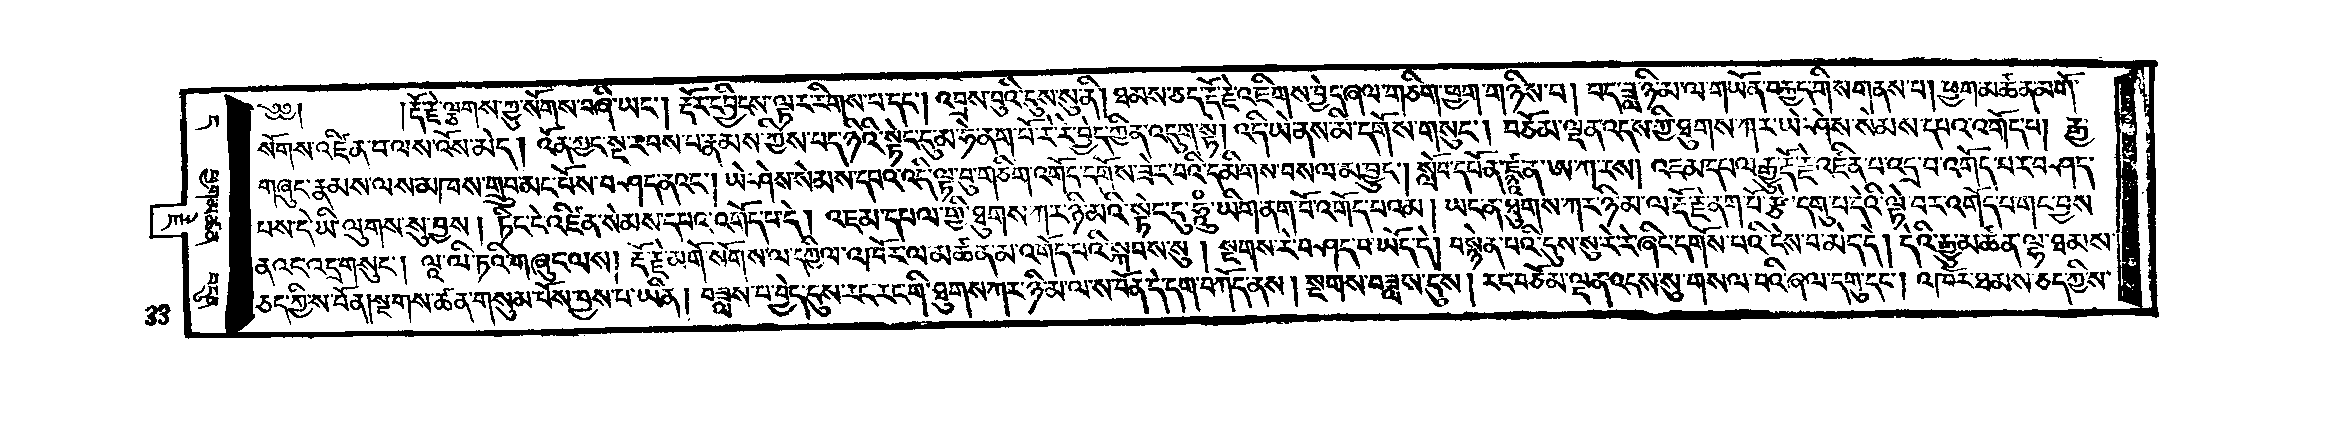༄༅། །རྡོ་རྗེ་ལྕགས་ཀྱུ་སོགས་བཞི་ཡང་། རྡོར་དབྱིངས་ལྟར་རིགས་པ་དང་། འབྲས་བུའི་དུས་སུ་ནི། ཐམས་ཅད་རྡོ་རྗེ་འཇིགས་བྱེད་ཞལ་གཅིག་ཕྱག་གཉིས་པ། པད་ཟླ་ཉི་མ་ལ་གཡོན་བརྒྱད་གིས་གནས་པ། ཕྱག་མཚན་མགོ་
སོགས་འཛིན་པ་ལས་འོས་མེད། འོན་ཀྱང་སྔ་རབས་པ་རྣམས་ཀྱིས་པད་ཉིའི་སྟེང་དུ་མ་ཧེ་ནག་པོ་རེ་རེ་བྱེད་ཀྱིན་འདུག་སྟེ། འདི་ཡེ་ནས་མི་དགོས་གསུང་། བཅོམ་ལྡན་འདས་ཀྱི་ཐུགས་ཀར་ཡེ་ཤེས་སེམས་དཔའ་འགོད་པ། རྒྱ་
གཞུང་རྣམས་ལས་མཁས་གྲུབ་མང་པོས་བཤད་ནའང་། ཡེ་ཤེས་སེམས་དཔའ་འདི་ལྟ་བུ་གཅིག་འགོད་དགོས་ཟེར་བའི་དམིགས་བསལ་མ་བྱུང་། སློབ་དཔོན་ཛྙཱ་ན་ཨ་ཀ་རས། འཇམ་དཔལ་རྒྱུ་རྡོ་རྗེ་འཛིན་པ་འདྲ་བ་འགོད་པར་བཤད་
པས་དེ་ཡི་ལུགས་སུ་བྱས། ཏིང་ངེ་འཛིན་སེམས་དཔའ་འགོད་པ་དེ། འཇམ་དཔལ་གྱི་ཐུགས་ཀར་ཉི་མའི་སྟེང་དུ་ཧཱུཾ་ཡིག་ནག་པོ་འགོད་པའམ། ཡང་ན་ཐུགས་ཀར་ཉི་མ་ལ་རྡོ་རྗེ་ནག་པོ་རྩེ་དགུ་པ་དེའི་ལྟེ་བར་འགོད་པ་གང་བྱས་
ནའང་འདྲ་གསུང་། ལཱ་ལི་ཏའི་གཞུང་ལས། རྡོ་རྗེ་མགོ་སོགས་ལ་དཀྱིལ་འཁོར་ལ་མཚན་མ་འགོད་པའི་སྐབས་སུ། སྔགས་རེ་བཤད་པ་ཡོད་དེ། བསྙེན་པའི་དུས་སུ་རེ་རེ་ཞིང་དགོས་པའི་ངེས་པ་མེད་དེ། དེའི་རྒྱུ་མཚན་ལྷ་ཐམས་
ཅད་ཀྱི་ས་བོན། སྔགས་ཚན་གསུམ་པོས་བྱས་པ་ཡིན། བཟླས་པ་བྱེད་དུས་རང་རང་གི་ཐུགས་ཀར་ཉི་མ་ལ་ས་བོན་དེ་དག་བཀོད་ནས། སྔགས་བཟླས་དུས། རང་བཅོམ་ལྡན་འདས་སུ་གསལ་བའི་ཞལ་དགུ་དང་། འཁོར་ཐམས་ཅད་ཀྱིས་